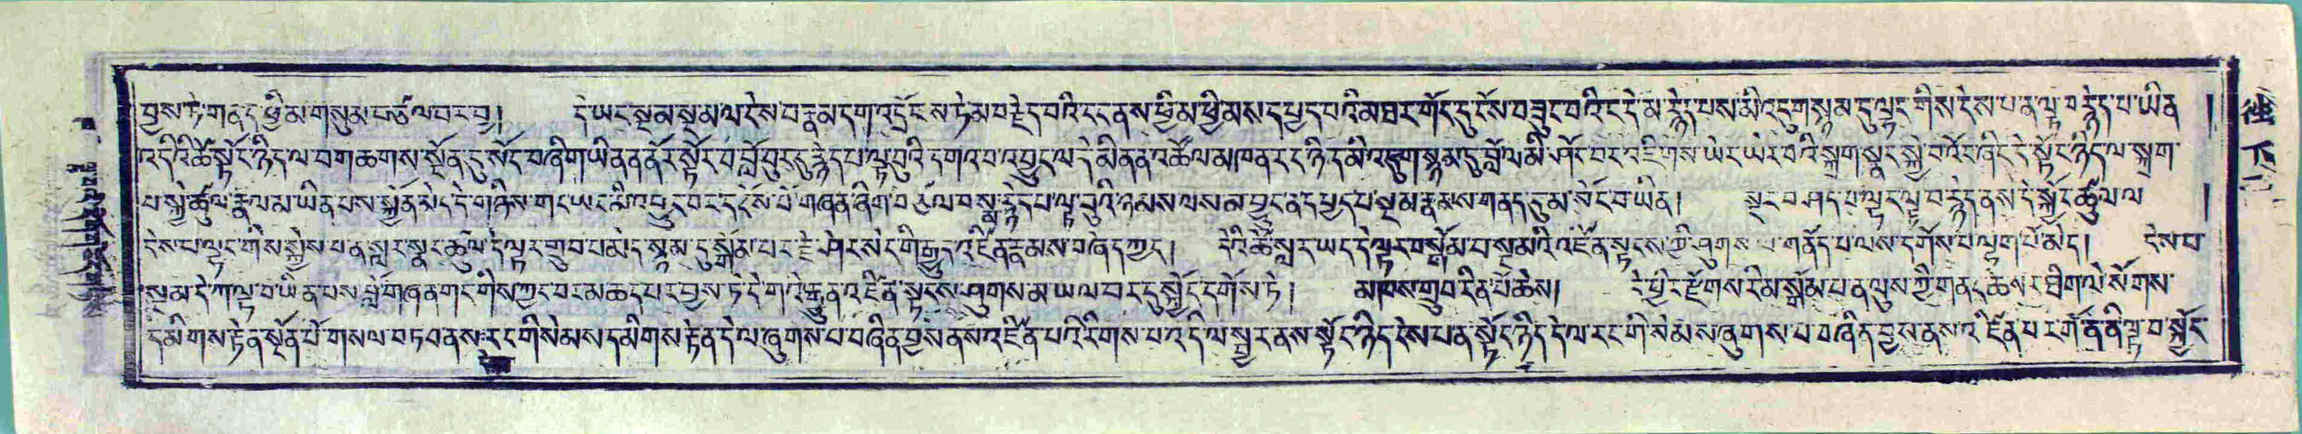བྱས་ཏེ་གནད་ཕྱི་མ་གསུམ་བཙལ་བར་བྱ། དེ་
ཡང་སྔ་མ་སྔ་མ་ལ་ངེས་པ་རྣམ་དག་འདྲོངས་ཏེ་མ་བརྗེད་པའི་དང་ནས་ཕྱི་མ་ཕྱི་མས་དཔྱད་པའི་མཐར་གོང་དུ་ངོས་བཟུང་བའི་ང་དེ་མ་རྙེད་པས་མི་འདུག་སྙམ་དུ་ལྷང་གིས་ངེས་པ་ན་ལྟ་བ་རྙེད་པ་
ཡིན༑ འདིའི་ཚེ་སྟོང་ཉིད་ལ་བག་ཆགས་སྔོན་དུ་སོང་བ་ཞིག་ཡིན་ན་ནོར་སྟོར་བ་བློ་བུར་དུ་རྙེད་པ་ལྟ་བུའི་དགའ་བ་འབྱུང་ལ་དེ་མིན་ན་འཚོལ་མཁན་རང་ཉིད་མི་འདུག་སྙམ་དུ་བློ་ལ་མི་ཤོང་
བར་འཇིགས་ཡེར་ཡེར་བའི་སྐྲག་སྣང་སྐྱེ་བ་འོང་ཞིང་དེ་སྟོང་ཉིད་ལ་སྐྲག་པ་སྐྱེ་ཚུལ་རྣལ་མ་ཡིན་པས་སྐྱོན་མེད་དེ་གཉིས་གང་ཡང་མི་འབྱུང་བར་དངོས་པོ་གཞན་ཞིག་བཙལ་བས་རྙེད་པ་ལྟ་བུའི་ཉམས་ལས་མ་བྱུང་ན་དཔྱད་པ་སྔ་མ་རྣམས་གནད་དུ་མ་སོང་བ་ཡིན། སྔར་བཤད་པ་ལྟར་ལྟ་བ་རྙེད་ནས་དེ་སྐྱོང་ཚུལ་ལ། ངེས་པ་ལྷང་གིས་སྐྱེས་པ་ན་སླར་སྣང་ཚུལ་དེ་ལྟར་གྲུབ་པ་མེད་སྙམ་དུ་སྒོམ་
པར་རྗེ་ཤེར་སེང་གི་རྒྱུད་འཛིན་རྣམས་བཞེད་ཀྱང་། དེའི་ཚེ་སླར་ཡང་དེ་ལྟར་བསྒོམ་བ་སྔ་མའི་འཛིན་སྟངས་ཀྱི་ཤུགས་ལ་གནོད་པ་ལས་དགོས་པ་ལྷག་པོ་མེད། ངེས་པ་སྔ་མ་དེ་ཀ་ལྟ་བ་ཡིན་པས་
བློ་གཞན་གང་གིས་ཀྱང་བར་མཆད་པར་བྱས་ཏེ་དེ་གའི་རྒྱུན་འཛིན་སྟངས་ཤུགས་མ་ཡལ་བར་དུ་སྐྱོད་དགོས་ཏེ། མཁས་གྲུབ་རིན་པོ་ཆེས། དེ་ཕྱིར་རྫོགས་རིམ་སྒོམ་པ་ན་ལུས་ཀྱི་གནད་ཆེ་བར་
ཐིག་ལེ་སོགས་དམིགས་རྟེན་སྔོན་པོ་གསལ་བཏབ་ནས་དེ་ནས་རང་གི་སེམས་དམིགས་རྟེན་དེ་ལ་ཞུགས་པ་བཞིན་བྱས་ནས་འཛིན་པའི་རིགས་པ་འདི་ལ་སྦྱར་ནས་སྟོང་ཉིད་ངེས་པ་ན་སྟོང་ཉིད་དེ་ལ་རང་
གི་སེམས་ཞུགས་པ་བཞིན་བྱས་ནས་འཛིན་པར་གོ་ན་ནི་ལྟ་བ་སྐྱོང་